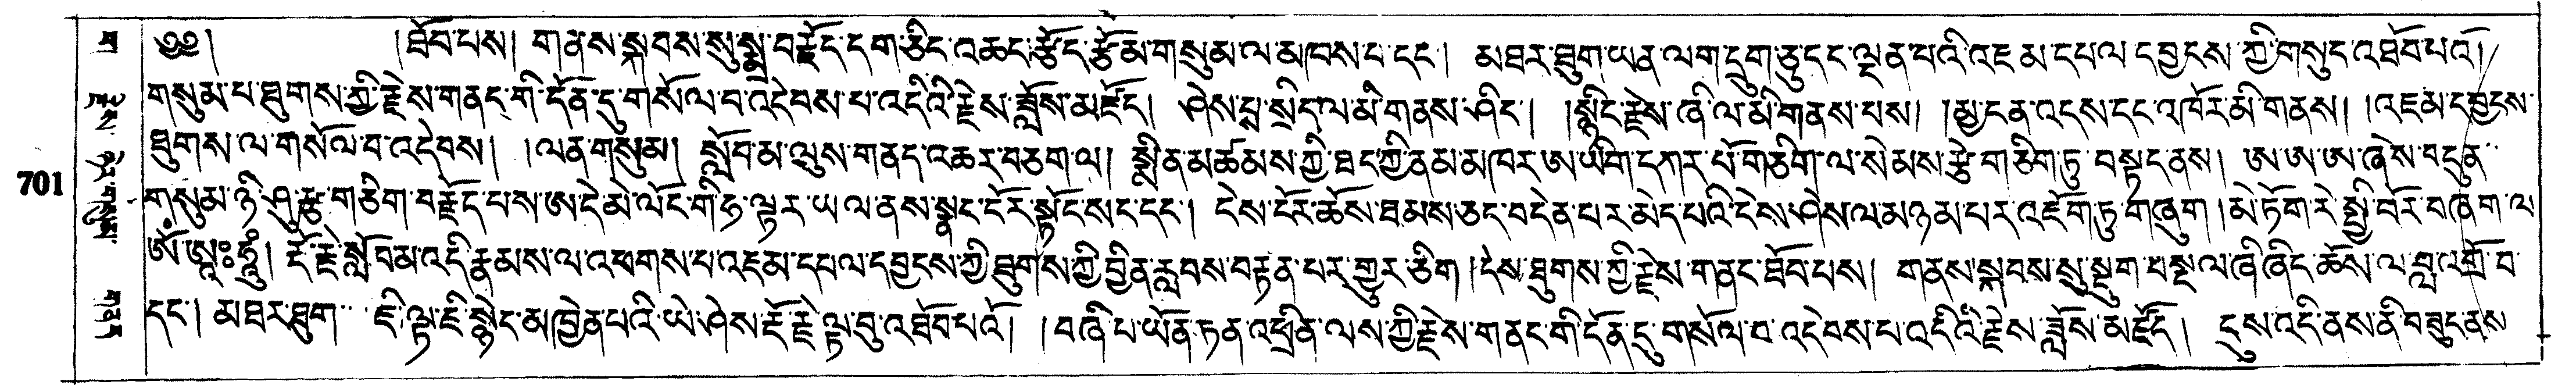༄༅། །ཐོབ་པས། གནས་སྐབས་སུ་སྨྲ་བརྗོད་དག་ཅིང་འཆང་རྩོད་རྩོམ་གསུམ་ལ་མཁས་པ་དང་། མཐར་ཐུག་ཡན་ལག་དྲུག་ཅུ་དང་ལྡན་པའི་འཇམ་དཔལ་དབྱངས་ཀྱི་གསུང་འཐོབ་པའོ།
གསུམ་པ་ཐུགས་ཀྱི་རྗེས་གནང་གི་དོན་དུ་གསོལ་བ་འདེབས་པ་འདིའི་རྗེས་ཟློས་མཛོད། ཤེས་པས་སྲིད་ལ་མི་གནས་ཤིང་། །སྙིང་རྗེས་ཞི་ལ་མི་གནས་པས། །མྱ་ངན་འདས་དང་འཁོར་མི་གནས། །འཇམ་དབྱངས་
ཐུགས་ལ་གསོལ་བ་འདེབས། །ལན་གསུམ། སློབ་མ་ལུས་གནད་འཆར་བཅག་ལ། སྨིན་མཚམས་ཀྱི་ཐད་ཀྱི་ནམ་མཁར་ཨ་ཡིག་དཀར་པོ་གཅིག་ལ་སེམས་རྩེ་གཅིག་ཏུ་བསྟད་ནས། ཨ་ཨ་ཨ་ཞེས་བདུན་
གསུམ་ཉི་ཤུ་རྩ་གཅིག་བརྗོད་པས་ཨ་དེ་མེ་ལོང་གི་ཧ་ལྟར་ཡལ་ནས་སྣང་ངོར་སྟོང་སང་དང་། ངེས་ངོར་ཆོས་ཐམས་ཅད་བདེན་པར་མེད་པའི་ངེས་ཤེས་ལ་མཉམ་པར་འཇོག་ཏུ་གཞུག །མེ་ཏོག་རེ་སྤྱི་བོར་བཞག་ལ་
ཨོཾ་ཨཱཿ ཧཱུཾ། རྡོ་རྗེ་སློབ་མ་འདི་རྣམས་ལ་འཕགས་པ་འཇམ་དཔལ་དབྱངས་ཀྱི་ཐུགས་ཀྱི་བྱིན་རླབས་བརྟན་པར་གྱུར་ཅིག །དེས་ཐུགས་ཀྱི་རྗེས་གནང་ཐོབ་པས། གནས་སྐབས་སུ་སྡུག་བསྔལ་ཞི་ཞིང་ཆོས་ལ་བླ་འགྲོ་བ་
དང་། མཐར་ཐུག་ཇི་ལྟ་ཇི་སྙེད་མཁྱེན་པའི་ཡེ་ཤེས་རྡོ་རྗེ་ལྟ་བུ་འཐོབ་པའོ། །བཞི་པ་ཡོན་ཏན་འཕྲིན་ལས་ཀྱི་རྗེས་གནང་གི་དོན་དུ་གསོལ་བ་འདེབས་པ་འདིའི་རྗེས་ཟློས་མཛོད། དུས་འདི་ནས་ནི་བཟུང་ནས་